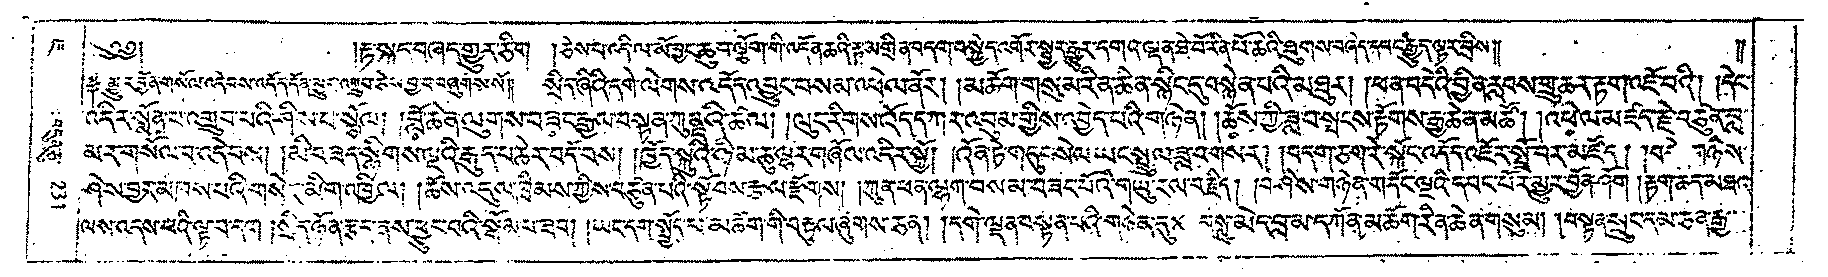༄༅། །རྟ་སྐད་བཞད་གྱུར་ཅིག །ཅེས་པ་འདི་ལ་མོ་བྱང་ཆུབ་ལྕོག་གི་འདོན་ཆའི་རྟ་མགྲིན་བདག་བསྐྱེད་འགོར་སྦྱར་རྒྱུར་དགའ་ལྡན་ཐེ་བོ་རིན་པོ་ཆེའི་ཐུགས་བཞེད་དབང་རྒྱུད་ལྟར་བྲིས།། །།
༈ མྱུར་བྱོན་གསོལ་འདེབས་འདོད་དོན་མྱུར་འགྲུབ་ཅེས་བྱ་བ་བཞུགས་སོ།  །སྲིད་ཞིའི་དགེ་ལེགས་འདོད་འབྱུང་བསམ་འཕེལ་ནོར། །མཆོག་གསུམ་རིན་ཆེན་སྙིང་དུ་བསྙེན་པའི་མཐུར། །ཕན་བདེའི་བྱིན་རླབས་གྲུ་ཆར་རྟག་འཇོ་བའི། །དེང་
འདིར་སྨོན་པ་འགྲུབ་པའི་ཤིས་པ་སྩོལ། །བློ྾་ཆེན་ལུགས་བཟང྾་རྒྱལ་བསྟན་ཀུནྡའི྾་ཚལ། །ལུང་རིགས་འོད་དཀར་འབུམ་གྱིས་འབྱེད་པའི་གཉེན། །ཆོས྾་ཀྱི་ཟླ་བ་སྤངས་རྟོགས་རྒྱ་ཆེན་མཚོ། །འཕེལ྾་མཛད་རྗེ་བཙུན་བླ་
མར་གསོལ་བ་འདེབས། །མི་བཟད་སྙིགས་ལྔའི་རྒུད་པ་ཆེར་བདོ་བས། །ཁྱོད་སྐུའི་ཉི་མ་ཆུ་ལྷར་གཞོལ་འདིར་སྐྱོ། །འོན་ཏེ་གདུང་སེལ་ཡང་སྤྲུལ་ཟླ་བ་གསར། །བདག་ཅག་རེ་སྐོང་འདོད་འཇོར་སྤྲོ་བར་མཛོད། །བདེན་གཉིས་
ཤེས་བྱར་མཁས་པའི་གསེར་མིག་འཁྱིལ། །ཆོས་འདུལ་ཁྲིམས་ཀྱིས་བཙུན་པའི་སྟོབས་རྩལ་རྫོགས། །ཀུན་ཕན་ལྷག་བསམ་བཟང་པོའི་གཡུ་རལ་བརྗིད། །བཤེས་གཉེན་གདོང་ལྔའི་དབང་པོར་མྱུར་བྱོན་ཤོག །རྟག་ཆད་མཐའ་
ལས་འདས་པའི་ལྟ་བ་དག །སྲིད་ཉོན་རྩད་ནས་ཕྱུང་བའི་སྒོམ་པ་ཟབ། །ཡང་དག་སྤྱོད་པ་མཆོག་གི་བརྟུལ་ཞུགས་ཅན། །དགེ་ལྡན་བསྟན་པའི་གཉེན་དུ་྾་བསླུ་མེད་བླ་མ་དཀོན་མཆོག་རིན་ཆེན་གསུམ། །བསྟན་སྲུང་དམ་ཅན་རྒྱ་